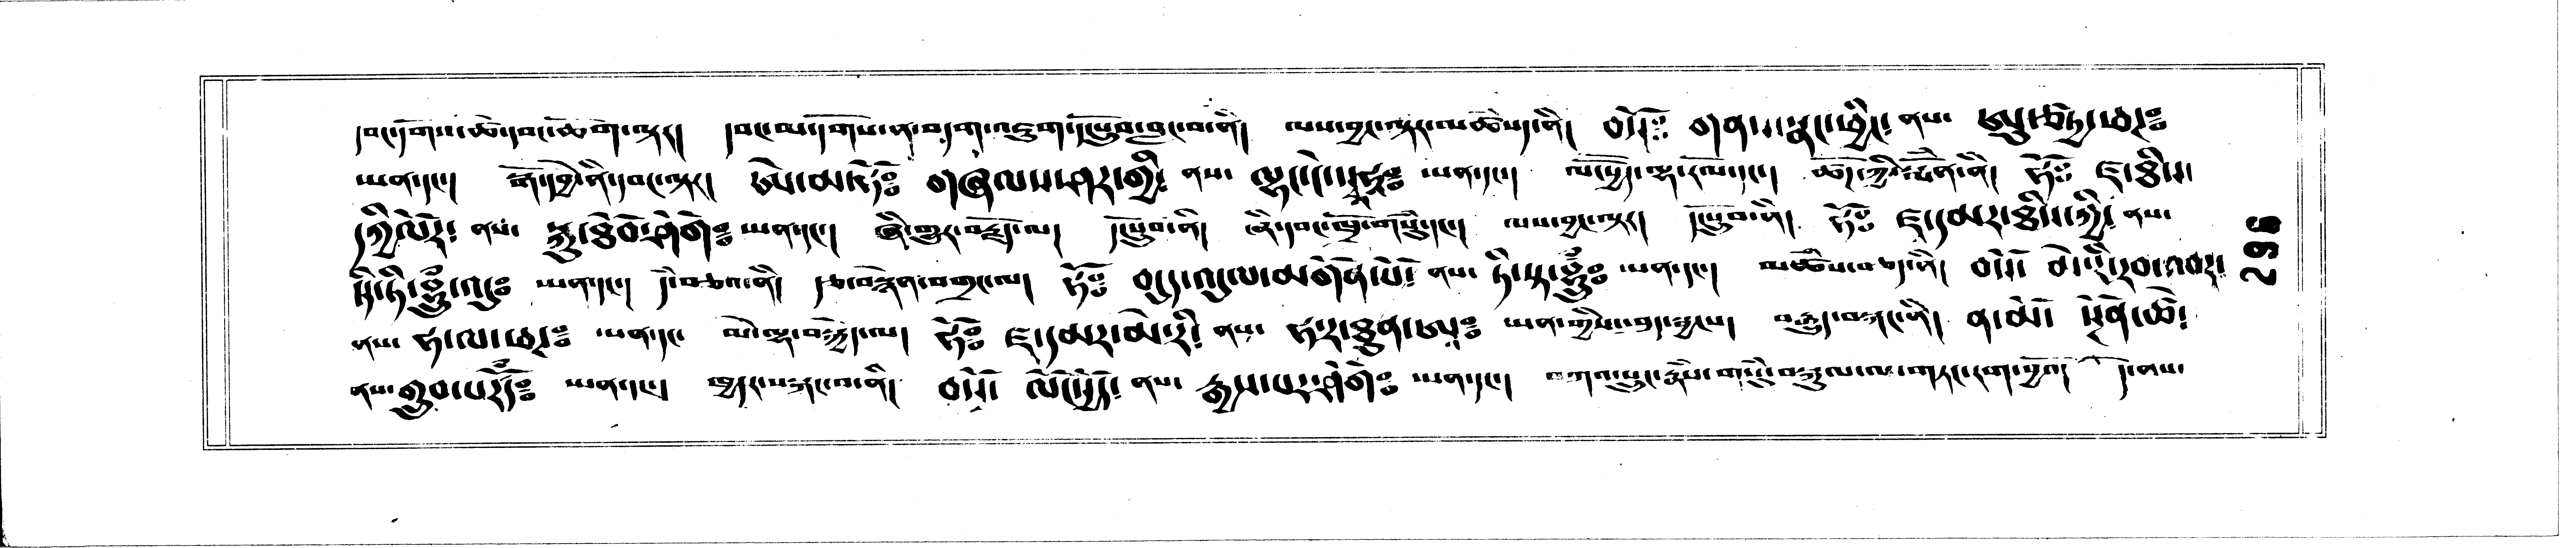དབང་དགོས་ཚེ་དབང་ཆོག་ལྟར། དབང་མ་དགོས་ན་བདག་འཇུག་དངོས་གྲུབ་བླང་བ་ནི། ལས་བྱང་ལྟར་མཚམས་བཅད་ནི། བསྭོ། གནས་སྣང་ཕྱི་ནང་ནས་ཨུ་ཙ་ཏྱ་ཕཊཿ 
ཡན་དང་། སྒོ་དབྱེ་ནི་དབང་ལྟར། ཨེ་མ་ཧོཿ གཞལ་ཡས་ཤར་གྱི་ནས་ལྷང་ངེ་སྭཱ་ཧཱཿ ཡན་དང་། ལོངས་སྤྱོད་ལྷ་རོལ་དང་། ཚོགས་ཀྱི་སྨོན་ལམ་ནི། ཧོ་ཛྭོ་ཐིས་
དཀྱིལ་འཁོར་ནས་སྐུ་ཐོབ་ཤོག ཡན་དང་། ཞི་གྱུར་བརྗོད་ལ། དངོས་གྲུབ་ནི། ཞི་དབང་ཁྲོ་གསུམ་དང་། ལས་བྱང་ལྟར་དངོས་གྲུབ་ནི། ཧོ། ཛྭོ་དམར་ཐིས་ཀྱི་ནས་
སི་ཏི་བྲུཾ འདུཿ ཡན་དང་། དམ་བཅའ་ནི། རྩ་བསྙེན་བགྲང་ལ། ཧོཿ བདུད་འདུལ་མགོན་པོ་ནས་ཏི་སྟ་བྷྲུཾཿ ཡན་དང་། མཚམས་བཅད་ནི། བསྭོ་མེ་རི་རབ་འབར་
ནས་ཧ་ལ་ཕཊཿ ཡན་དང་། མེ་ལྷ་བསྐྱེད་ལ། ཧོཿ ཛྭོ་དམར་མེ་རི་ནས་ཧ་ར་ཐུན་ཨཿ ཡན་གྱིས་ཕུད་སྦྱངས། བརྒྱུད་བསྐང་ནི། ན་མོ་སྔོན་ཚེ་
ནས་གྲུབ་པར་མཛོདཿ ཡན་དང་། ཁྱད་པར་བསྐང་བ་ནི། བསྭོཿ ལོངས་སྤྱོད་ནས་རྒྱས་པར་ཤོགཿ ཡན་དང་། བཀའ་སྲུང་རྣམ་གསུམ་བསྐུལ་ལ་གཏང་རག་བྱའོ། དེ་ནས་